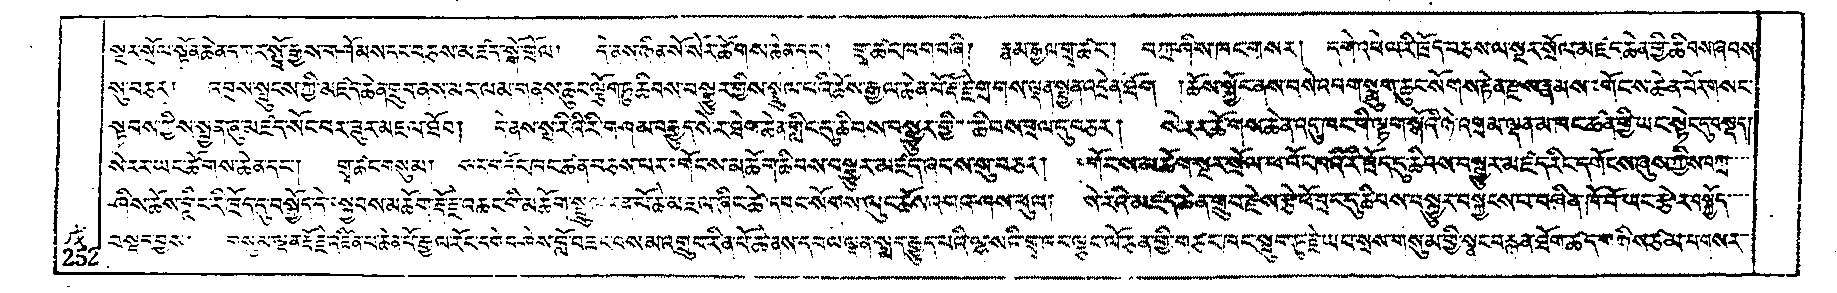སྔར་སྲོལ་སྟོན་ཆེན་དཀར་སྤྲོ་རྒྱས་གཤོམས་དང་བཅས་མཛད་སྒོ་གྲོལ། དེ་ནས་ཉིན་སོ་སོར་ཚོགས་ཆེན་དང་། གྲྭ་ཚང་ཁག་བཞི། རྣམ་རྒྱལ་གྲྭ་ཚང་། བཀྲ་ཤིས་ཁང་གསར། དགེ་འཕེལ་རི་ཁྲོད་བཅས་ལ་སྔར་སྲོལ་མཛད་ཆེན་གྱི་ཆིབས་ཞབས་
སུ་བཅར། འབྲས་སྤུངས་ཀྱི་མཛད་ཆེན་གྲུབ་ནས་མར་ལམ་གནས་ཆུང་ལྕོག་ཏུ་ཆིབས་བསྒྱུར་གྱིས་སྤྲུལ་པའི་ཆོས་རྒྱལ་ཆེན་པོ་རྡོ་རྗེ་གྲགས་ལྡན་སྤྱན་འདྲེན་ཐོག །ཆོས་སྐྱོང་ནས་བསེ་འབག་སྨུག་ཆུང་སོགས་རྟེན་རྫས་རྣམས་༧གོང་ས་ཆེན་པོར་གསང་
སྟབས་ཀྱིས་སྤྱན་ཞུ་མཛད་སོང་བར་ཟུར་མཇལ་ཐོབ། དེ་ནས་སྤ་རིའི་རི་གཤམ་བརྒྱུད་སེ་ར་ཐེག་ཆེན་གླིང་དུ་ཆིབས་བསྒྱུར་གྱི་ཆིབས་གྲལ་དུ་བཅར། སེ་རར་ཚོགས་ཆེན་འདུ་ཁང་གི་ལྟག་སྒོའི་ཉེ་འགྲམ་ལྡན་མ་ཁང་ཚན་གྱི་ཡང་སྟེང་དུ་བསྡད།
སེ་རར་ཡང་ཚོགས་ཆེན་དང་། གྲྭ་ཚང་གསུམ། ཧ་ར་གདོང་ཁང་ཚན་བཅས་པར་༧གོང་ས་མཆོག་ཆིབས་བསྒྱུར་མཛད་ཞབས་སུ་བཅར། ༧གོང་ས་མཆོག་སྔར་གྲོལ་ཕ་བོང་ཁའི་རི་ཁྲོད་དུ་ཆིབས་བསྒྱུར་མཛད་རིང་དགོངས་ཞུས་ཀྱིས་བཀྲ་
ཤིས་ཆོས་གླིང་རི་ཁྲོད་དུ་བསྐྱོད་དེ་༧སྐྱབས་མཆོག་རྡོ་རྗེ་འཆང་གི་མཆོག་སྤྲུལ་རིན་པོ་ཆེ་མཇལ་ཞིང་ཚེ་དབང་སོགས་ལུང་ཆོས་འགའ་ཤས་ཕུལ། སེ་རའི་མཛད་ཆེན་གྲུབ་རྗེས་རྩེ་ཕོ་བྲང་དུ་ཆིབས་བསྒྱུར་བསྐྱངས་པ་བཞིན་ཁོ་བོ་ཡང་རྩེར་བསྐྱོད་
བསྡད་བྱས། གསུམ་ལྡན་རྡོ་རྗེ་འཛིན་པ་ཆེན་པོ་རྒྱལ་རོང་དགེ་བཤེས་བློ་བཟང་བསམ་འགྲུབ་རིན་པོ་ཆེ་ནས་དཔལ་ལྡན་སྨད་རྒྱུད་པའི་ལྷ་སའི་གྲྭ་ཁང་ལྕང་ལོ་ཅན་གྱི་གཙང་ཁང་སྦུག་ཏུ་རྗེ་ཡབ་སྲས་གསུམ་གྱི་སྣང་བརྙན་ཐོག་ཚད་གཉིས་ཙམ་པ་གསར་